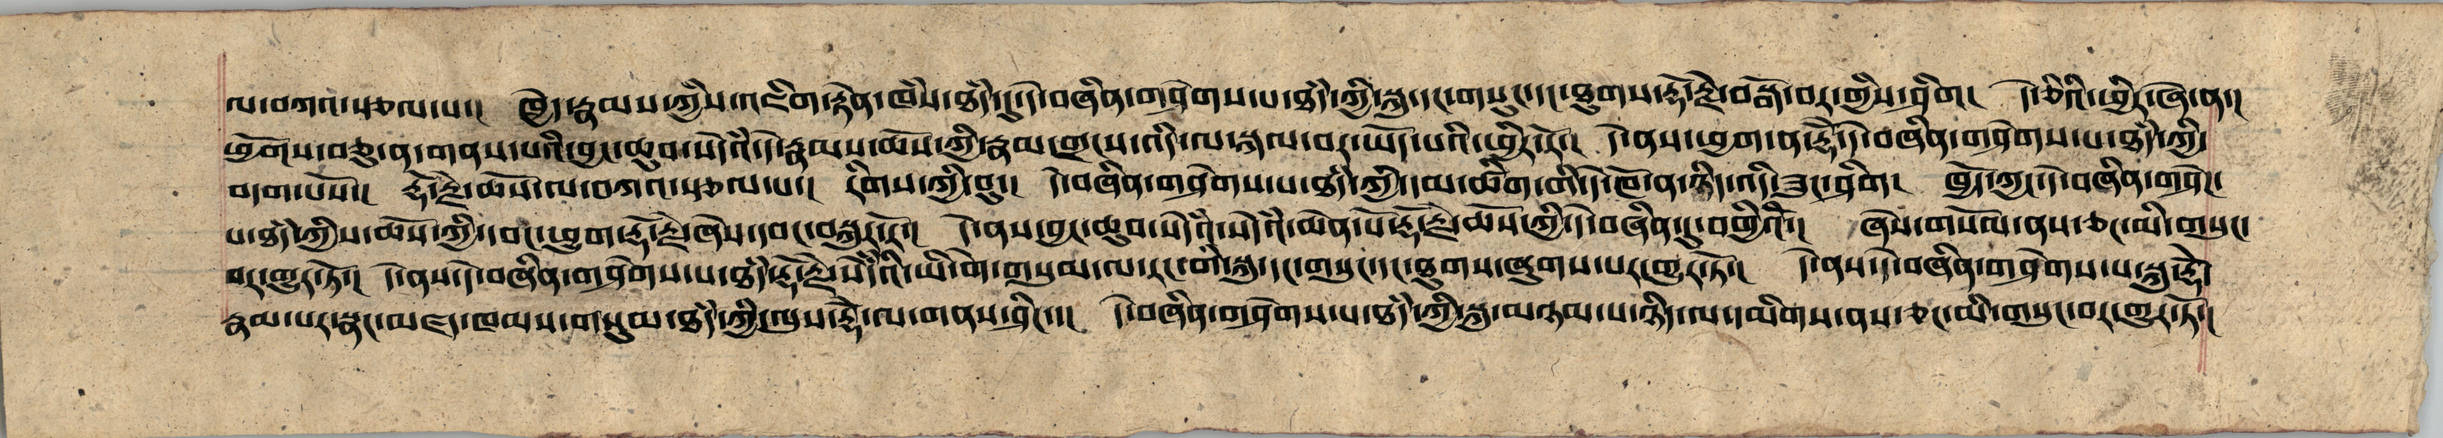ལ་བཀའ་སྩལ་པ་། ཁྱེད་རྣམས་ཀྱིས་འཇིག་རྟེན་ཁཾས་ཐཾད་དུ་དེ་བཞིན་གཤེགས་པ་ཐཾད་ཀྱི་སྐུ་དང་གསུང་དང་ཐུགས་རྡོ་རྗེ་བསྒོ་བར་གྱིས་ཤིག། དེ་ཅིའི་ཕྱིར་ཞེ་ན་།
ཕྱོགས་བཅུ་ན་གནས་པའི་བྱང་ཆུབ་སེདཾའ་དེ་རྣམས་ཆོས་ཀྱི་རྣམ་གྲངས་འདི་ལ་སྐལ་བར་ཡོད་པའི་ཕྱིར་རོ་། དེ་ནས་ཕྱག་ན་རྡོེ་དེ་བཞིན་གཤེགས་པ་ཐཾད་ཀྱི་
བདག་པོས་། རྡོ་རྗེ་ཆོས་ལ་བཀའ་སྩལ་པ་། རིགས་ཀྱི་བུ་། དེ་བཞིན་གཤེགས་པ་ཐཾད་ཀྱི་དམ་ཚིག་གི་དེ་ཁོ་ན་ཉིད་འདི་ཟུང་ཤིག། ཁྱོད་ཀྱང་དེ་བཞིན་གཤེཌ་
པ་ཐདཾ་ཀྱི་ཆོས་ཀྱི་དབང་ཕྱུག་རྡོ་རྗེ་ཞེས་དབང་བསྐུར་རོ་། དེ་ནས་བྱང་ཆུབ་སེདཾའ་སེདཾའ་ཆེན་པོ་རྡོ་རྗེ་ཆོས་ཀྱི་དེ་བཞིན་དུ་བགྱིའོ་། ཞེས་གསོལ་ནས་ཅང་མི་གསུང་
བར་གྱུར་ཏོ་། དེ་ནས་དེ་བཞིན་གཤེགས་པ་ཐདཾ་རྡོ་རྗེ་སེདཾའི་ཡི་གེ་གསུམ་ལ་རང་གི་སྐུ་དང་གསུང་དང་ཐུགས་ཞུགས་པར་གྱུར་ཏོ་། དེ་ནས་དེ་བཞིན་གཤེགས་པ་སྐུ་རྡོེ་
རྣམ་པར་སྣང་མཛད་ཁམས་གསུམ་ཐདཾ་ཀྱི་ལུས་རྡོེ་ལ་གནས་ཤིང་་། དེ་བཞིན་གཤེགས་པ་ཐདཾ་ཀྱི་སྐུ་མཉམ་པ་ཉིད་ལ་དམིགས་ནས་ཅང་མི་གསུང་བར་གྱུར་ཏོ་།